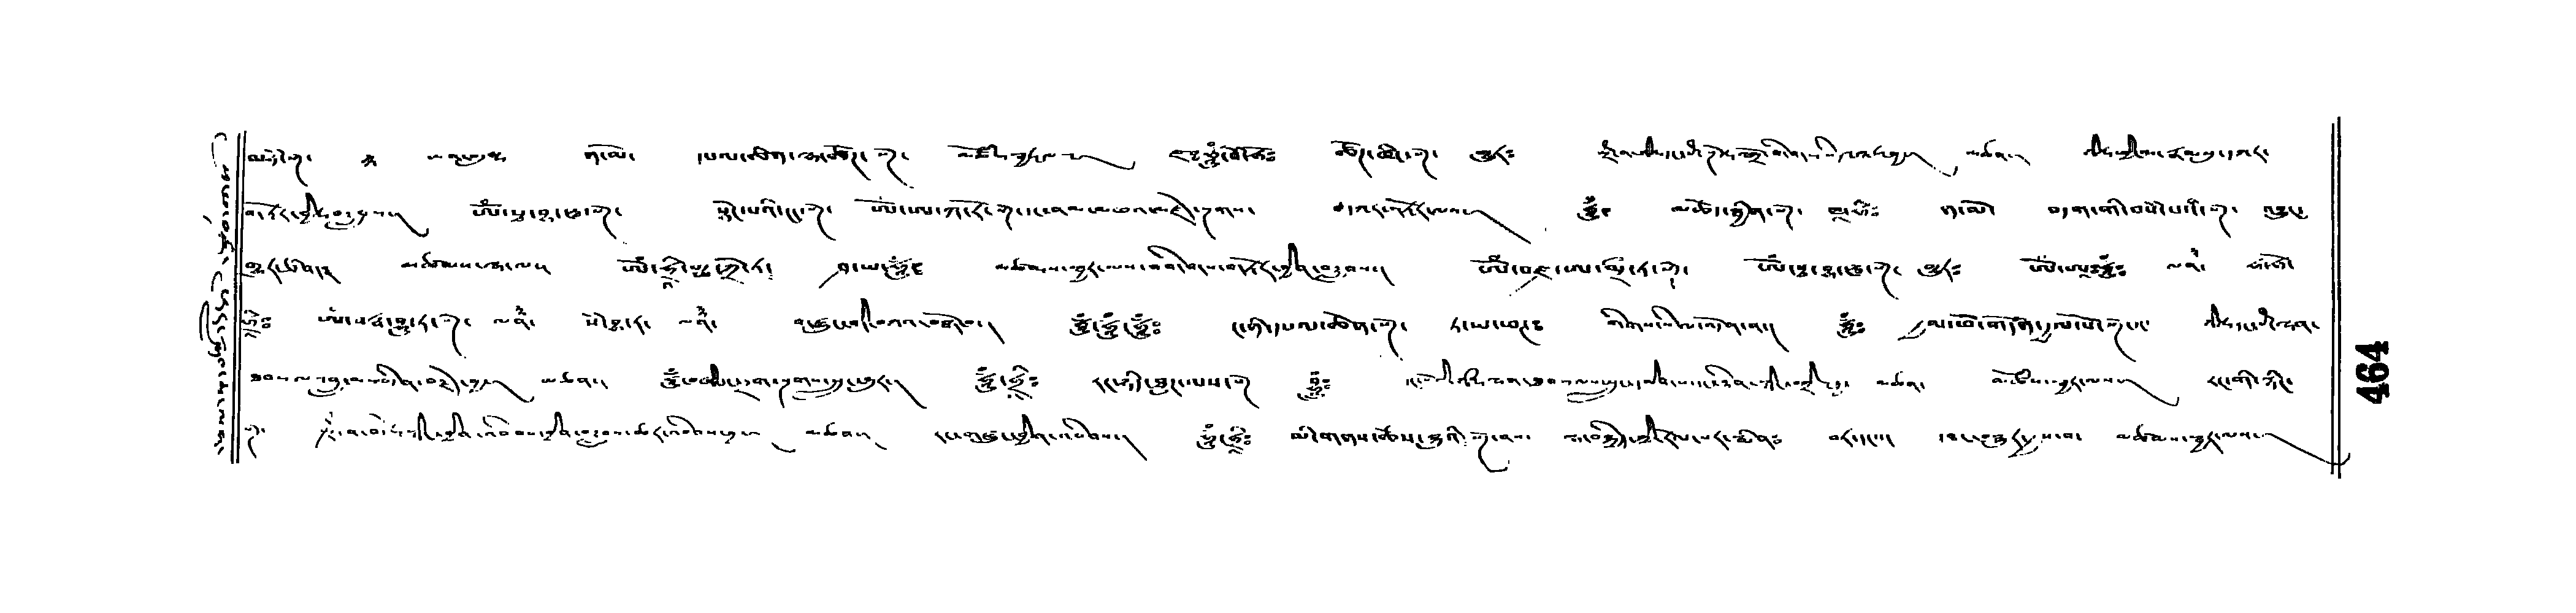མཉམ་སོགས། ཡན་བདུན། ན་མོ༔ དཔལ་ཆེན་ལྷ་ཚོགས་སོགས། མཚམས་སྦྱར་ལས། ཛཿཧཱུྃ་བཾ་ཧོཿ ཚོགས་ཞིང་སོགས། གྱུར༔ སྤྲོ་ན་ཉིན་དང་པོ་སྔོན་འགྲོ་བགེགས་སེལ་ལྟར་བྱ། མཆན། ཉིན་ཕྱི་མ་རྣམས་སུ་
དཀར་གཏོར་བྱིན་བརླབ། ཨོཾ་སྭ་བྷ་ཝ་སོགས། སྟོང་པའི་ངང་སོགས། ཨོཾ་ཨ་ཀ་རོ་སོགས་དང་ནམ་མཁའ་མཛོད་སྔགས། དཀར་གཏོར་ལས། ཧཱུྃ༔ མཆོད་སྦྱིན་སོགས། ཁཱ་ཧིཿ ན་མོ། བདག་གི་བསམ་པའི་སོགས། འབྱུང་
གྱུར་ཅིག མཚམས་ལྷ་ལ། ཨོཾ་ཧྲཱི་པདྨ་ཀྲོ་དྷ༴ ཤ་ཡ་ཧཱུྃ༔ མཚམས་སྦྱར་ལས་བགེགས་གཏོར་བྱིན་བརླབས། ཨོཾ་བཛྲ་ཨ་མྲྀ་ཏ་སོགས། ཨོཾ་སྭ་བྷ་ཝ་སོགས། གྱུར༔ ཨོཾ་ཨཱཿཧཱུྃཿ ལན་གསུམ། ཧ་ཧོ་
ཧྲཱིཿ ཨོཾ་སརྦ་བྷཱུ་ཏ་སོགས། ལན་གསུམ། སམ་བྷ་ར་ལན་གསུམ། གཞུང་གི་བཀའ་བསྒོ་བ། ཧཱུྃ་ཧཱུྃ་ཧཱུྃ༔ ང་ནི་དཔལ་ཆེན་སོགས། ཏ་ཡ་ཕཊཿ གེགས་སེལ་འདོན་ན། ཧཱུྃ༔ རྒྱལ་ཕོ་གདོན་རྒྱལ་པོ་སོགས་དང་། ཉིན་དང་པོ་ལྷན་
ཐབས་ལས་བླ་མས་བདེན་བརྗོད་བྱ། མཆན། ཧཱུྃ་བཞི་དང་དྲག་སྔགས་སྲུང་གུར། ཧཱུྃ་ཧྲཱིཿ རང་ཉིད་ཐུགས་ལས་སོགས། བྷཱུྃ༔ དང་པོའི་ཉིན་ལྷན་ཐབས་ལས་སྲུང་དམིགས་དང་རྟེནསྙིང་བཀྲ་ཤིས་བྱ། མཆན། མཚམས་སྦྱར་ལས། རང་གི་སྙིང་
སོགས། སྤྲོ་ན་བདེར་སྙིང་བྱིན་འབེབས་བྱིན་བརླབས་ཆར་འབེབས་བྱ། མཆན། རང་གཞུང་བྱིན་འབེབས། ཧཱུྃ་ཧྲཱིཿ མི་གནས་ཆོས་སྐུའི་སོགས་ནས། ལྷ་བསྐྱེད་ཀྱི། རོལ་པར་སྨིན༔ བར་དངས། དབང་བསྐུར་རྒྱས་བ། མཚམས་སྦྱར་ལས།